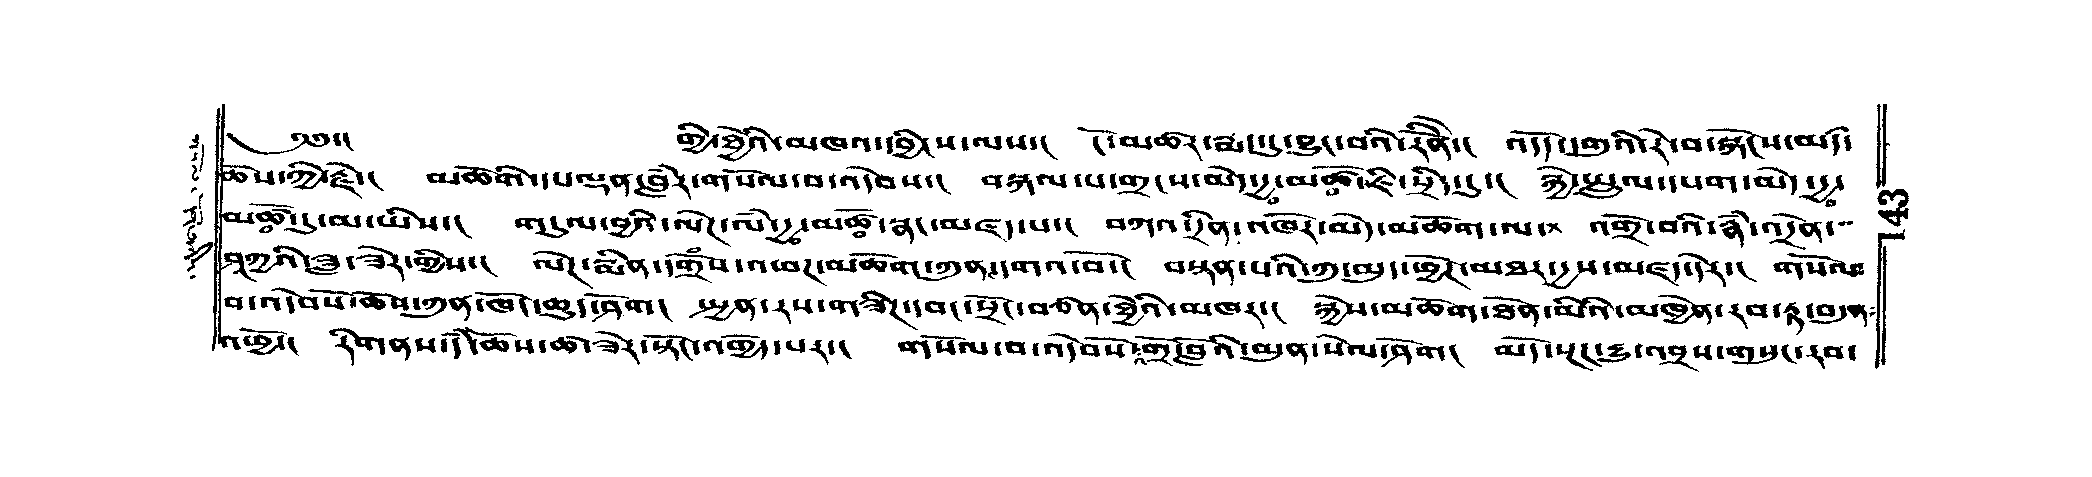གྱི་ཐུགས་རྗེའི་མཁའ་དབྱིངས་ལས། །ངོ་མཚར་རྨད་དུ་འབྱུང་བའི་རིན་པོ་ཆེ། །འདོད་དགུའི་རེ་བ་སྐོངས་མཛད་
ཆོས་ཀྱི་རྗེ། །མཆོག་གི་དཔལ་ལྡན་བླ་མར་གསོལ་བ་འདེབས། །བསྐལ་པ་གྲངས་མེད་རྒྱ་མཚོ་ཇི་སྲིད་དུ། །སྐྱེ་སྤྲུལ་དཔག་མེད་རྒྱ་
མཚོ་དུ་མ་ཡིས། །གདུལ་བྱའི་ལེགས་ལམ་རྒྱ་མཚོ་སྣང་མཛད་པ། །བཀའ་དྲིན་འཁོར་མེད་མཆོག་ལ། །འགྲོ་བའི་རྣམ་འདྲེན་
ཤཱཀྱའི་ཟླ་ཟེར་གྱིས། །ལེགས་སྨིན་དགྲ་བཅོམ་འཕགས་མཆོག་ཀུན་དགའ་བོ། །བསྟན་པའི་ཀུ་མུད་ཕྱོགས་མཐར་རྒྱས་མཛད་དེར། །གསོལ་
བ་འདེབས་སོ་ཆོས་ཀུན་ཁོང་ཆུད་ཤོག །སྤྱན་རས་གཟིགས་དབང་སྲོང་བཙན་ཐུགས་རྗེའི་མཁར། །སྐྱེས་མཆོག་ཐོན་མིའི་མཁྱེན་རབ་རྟ་བདུན་
འཕྱོ། །རིག་གནས་དམ་ཆོས་ཚ་ཟེར་སྟོང་འགྱེད་པར། །གསོལ་བ་འདེབས་སོ་འགྲོ་བློའི་མུན་སེལ་ཤོག །མདོ་སྔགས་རྒྱུ་འབྲས་གསུང་རབ་